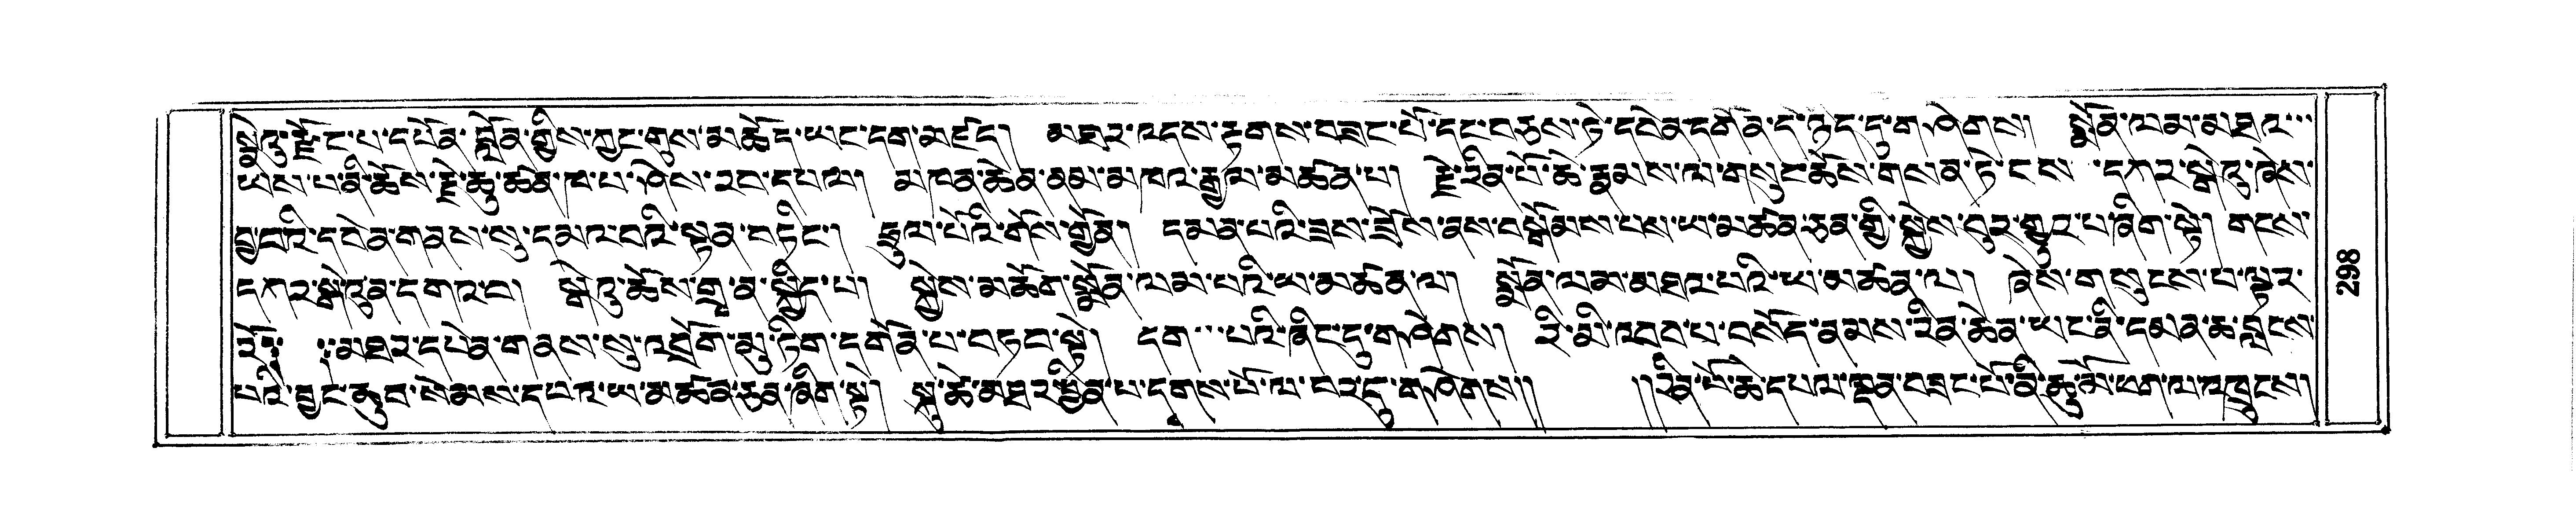སྣེའུ་རྫོང་པ་དཔོན་བློན་གྱིས་ཀྱང་གུས་མཆོད་ཡང་དག་མཛད། མཐར་འདས་རྟགས་བཟང་པོ་དང་བཅས་ཏེ་དབེན་དགོན་དེ་ཉིད་དུ་གཤེགས། སྨོན་ལམ་མཐའ་
ཡིས་པ་ནི་ཆོས་རྗེ་ཆུ་ཚན་ཁ་པ་ཤེས་རབ་དཔལ། མཁན་ཆེན་ནམ་མཁའ་རྒྱལ་མཚན་པ། རྗེ་རིན་པོ་ཆེ་རྣམས་ལ་གསུང་ཆོས་གསན་ཏེ་ངས་དཀར་སྒེའུ་ཞེས་
བྱ་བའི་དབེན་གནས་སུ་དམའ་བའི་སྟན་བཏིང་། ཧྲུལ་པོའི་གོས་གྱོན། དམན་པའི་ཟས་ཟོས་ནས་བསྒོམས་པས་ཡ་མཚན་ཅན་གྱི་སྐྱེས་བུར་གྱུར་པ་ཞིག་སྟེ། གངས་
དཀའ་སྒེའུ་དགའ་བ། སྒེའུ་ཆོས་གྲྭ་ན་སྐྱིད་པ། སྐྱེས་མཆོག་སྨོན་ལམ་པའི་ཡ་མཚན་ལ། སྨོན་ལམ་མཐའ་པའི་ཡ་མཚན་ལ། ཞེས་གསུངས་པ་ལྟར་
རོ༑ ༑མཐར་དཔེན་གནས་སུ་འབྲོག་མུ་ཏིག་དགོན་པ་བཏབ་སྟེ། དག་པའི་ཞིང་དུ་གཤེགས། རི་མི་འབབ་པ་བསོད་ནམས་རིན་ཆེན་ཡང་ནི་དམན་ཆ་བླངས་
པའི་བྱང་ཆུབ་སེམས་དཔའ་ཡ་མཚན་ཅན་ཞིག་སྟེ། སྐུ་ཚེ་མཐར་སྦྱིན་པ་དྭགས་པོ་ལ་བར་དུ་གཤེགས།། །།རིན་པོ་ཆེ་དཔལ་ལྡན་བཟང་པོ་ནི་ཆུ་མོ་ཕག་ལ་འཁྲུངས།